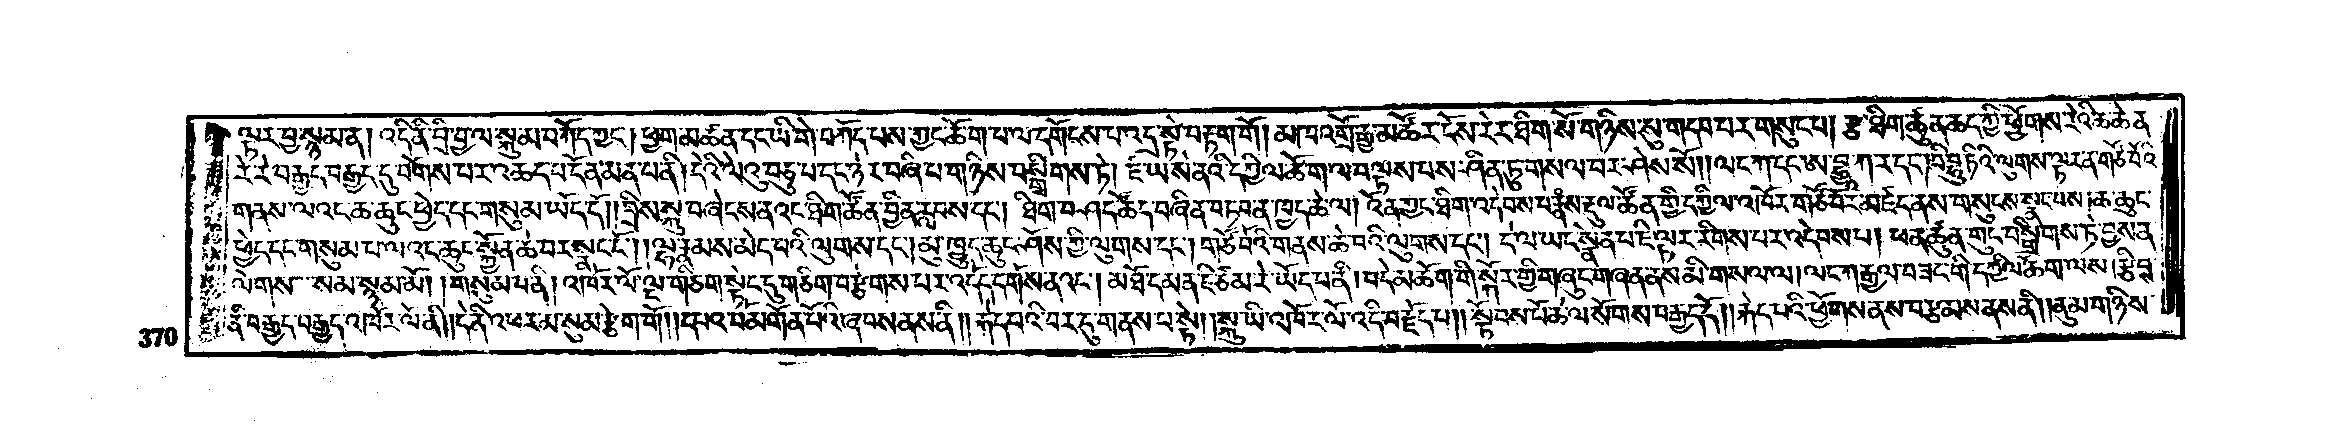ལྟར་བྱ་སྙམ་ན། འདི་ནི་བྲི་བྱ་ལ་སྐུ་མ་བཀོད་ཀྱང་། ཕྱག་མཚན་དང་ཡི་གེ་བཀོད་པས་ཀྱང་ཆོག་པ་ལ་དགོངས་པ་འདྲ་སྟེ་བརྟག་གོ །མཁའ་འགྲོ་རྒྱ་མཚོར་ངོས་རེར་ཐིག་སོ་གཉིས་སུ་གདབ་པར་གསུང་པ། རྩ་ཐིག་ཚུན་ཆད་ཀྱི་ཕྱོགས་རེའི་ཆ་ཆེན་
རེ་རེ་བརྒྱད་བརྒྱད་དུ་བགོས་པར་འཆད་པ་དོན་མིན་པ་ནི། དེའི་ལེའུ་བཅུ་པ་དང་ཉེར་བཞི་པ་གཉིས་བསྒྲིགས་ཏེ། ཛ་ཡ་སེ་ནའི་དཀྱིལ་ཆོག་ལ་བལྟས་པས་ཤིན་ཏུ་གསལ་བར་ཤེས་སོ། །ལང་ཀ་དང་ཨ་བྷྱཱ་ཀ་ར་དང་། བི་བྷུ་ཏིའི་ལུགས་ལྟར་ན་གཙོ་བོའི་
གནས་ལའང་ཆ་ཆུང་ཕྱེད་དང་གསུམ་ཡོད་དོ། །བྲིས་སྐུ་བཞེངས་ནའང་ཐིག་ཚོན་བྱིན་རླབས་དང་། ཐིག་བཤད་ཚོད་བཞིན་བཏབ་ན་ཁྱད་ཆེ་ལ། འོན་ཀྱང་ཐིག་འདེབས་པ་རྣམས་རྡུལ་ཚོན་གྱི་དཀྱིལ་འཁོར་གཙོ་བོར་མཛད་ནས་གསུངས་སྣང་བས། ཆ་ཆུང་
ཕྱེད་དང་གསུམ་པ་ལའང་ཆུང་སྐྱོན་ཆེ་བར་སྣང་ངོ། །ལྷ་རྣམས་མེད་པའི་ལུགས་དང་། མུ་ཁྱུད་ཆུང་ཤོས་ཀྱི་ལུགས་དང་། གཙོ་བོའི་གནས་ཆེ་བའི་ལུགས་དང་། དེ་ལ་ཡང་སྣོན་པ་ཇི་ལྟར་རིགས་པར་འདེབས་པ། ཕན་ཚུན་གུང་བསྒྲིགས་ཏེ་བྱས་ན་
ལེགས་སམ་སྙམ་མོ། །གསུམ་པ་ནི། འཁོར་ལོ་ལྔ་གཅིག་སྟེང་དུ་གཅིག་བརྩེགས་པར་འདོད་དགོས་ནའང་། མཐོ་དམན་ཇི་ཙམ་རེ་ཡོད་པ་ནི། བདེ་མཆོག་གི་སྐོར་གྱི་གཞུང་གཞན་ནས་མི་གསལ་ལ། ལང་ཀ་རྒྱལ་བཟང་གི་དཀྱིལ་ཆོག་ལས། རྩིབས་
ནི་བརྒྱད་བརྒྱད་འཁོར་ལོ་ནི། དེ་ནི་འཕར་མ་སུམ་རྩེག་གོ། །དཔའ་བོ་མགོན་པོའི་ཞབས་ནས་ནི། །རྐེད་པའི་བར་དུ་གནས་པ་སྟེ། །སྐུ་ཡི་འཁོར་ལོ་འདི་བརྗོད་པ། །སྟོབས་པོ་ཆེ་ལ་སོགས་བརྒྱད་དོ། །རྐེད་པའི་ཕྱོགས་ནས་བརྩམས་ནས་ནི། །ནུ་མ་གཉིས་